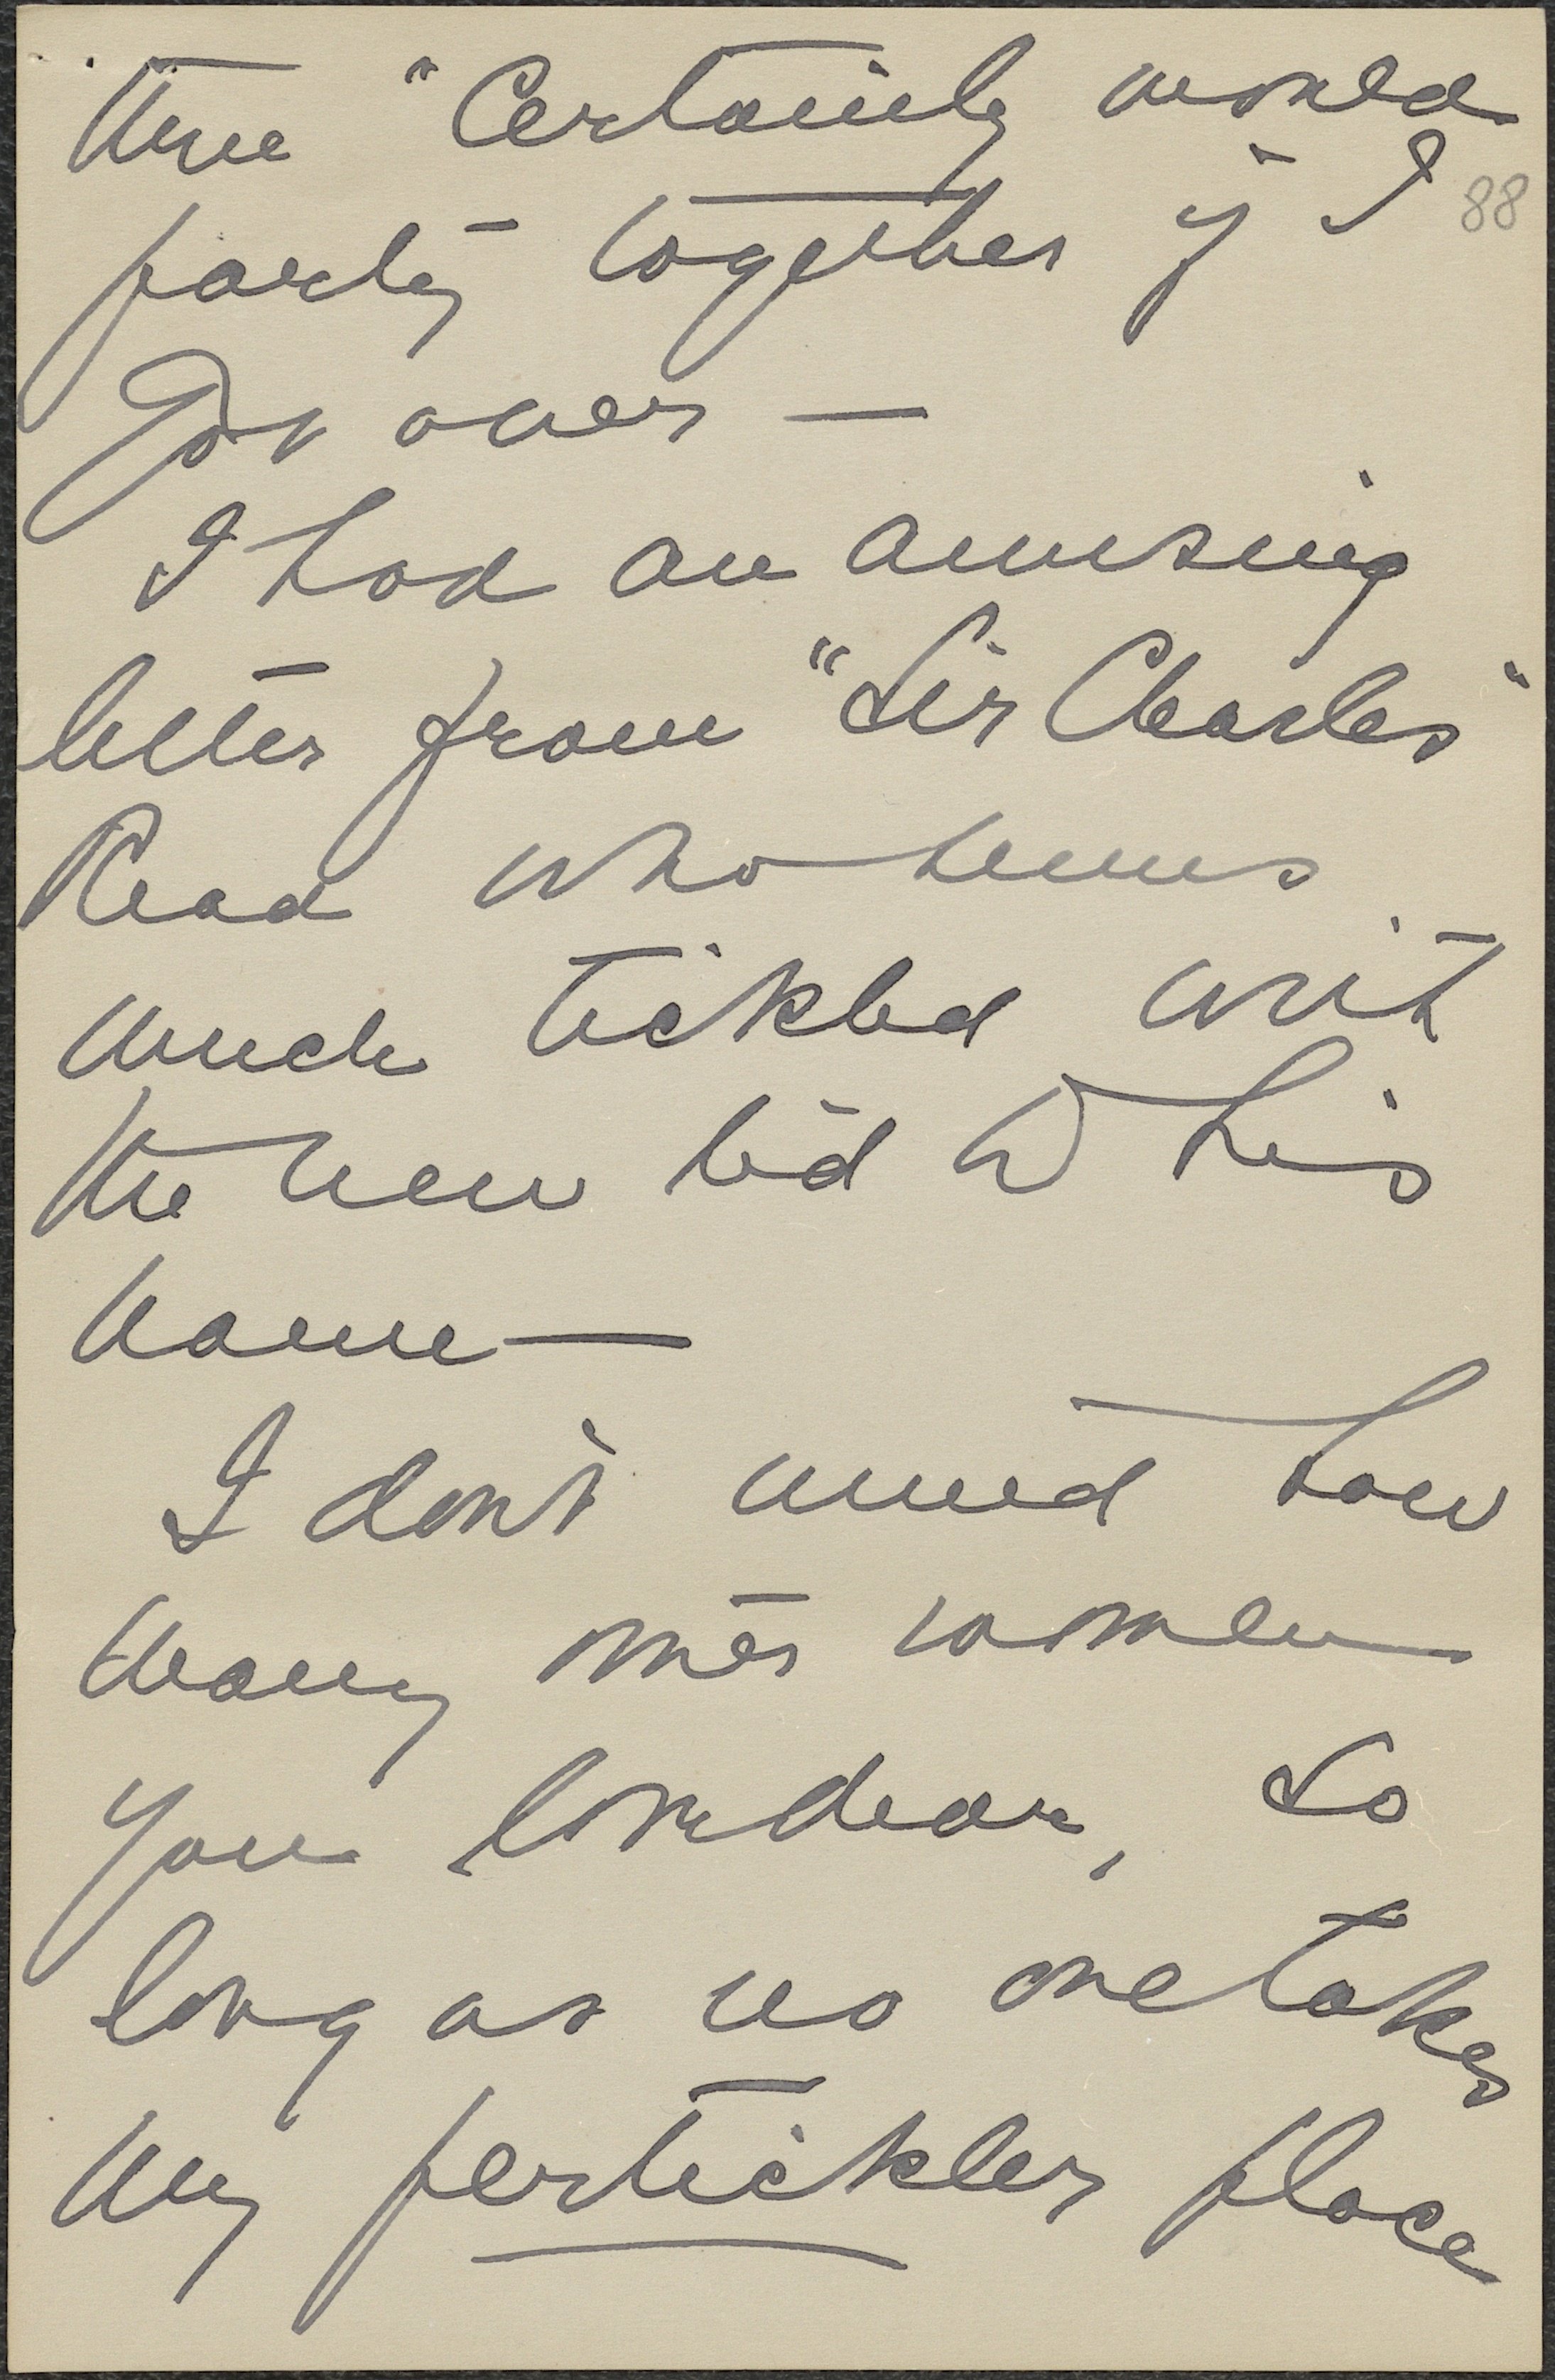three” certainly would party together if I got over –
I had an amusing letter from “Sir Charles” Read who seems much tickled with the new title to his name –
I don’t mind how many other women you love dear, so long as no one takes my pertickler place